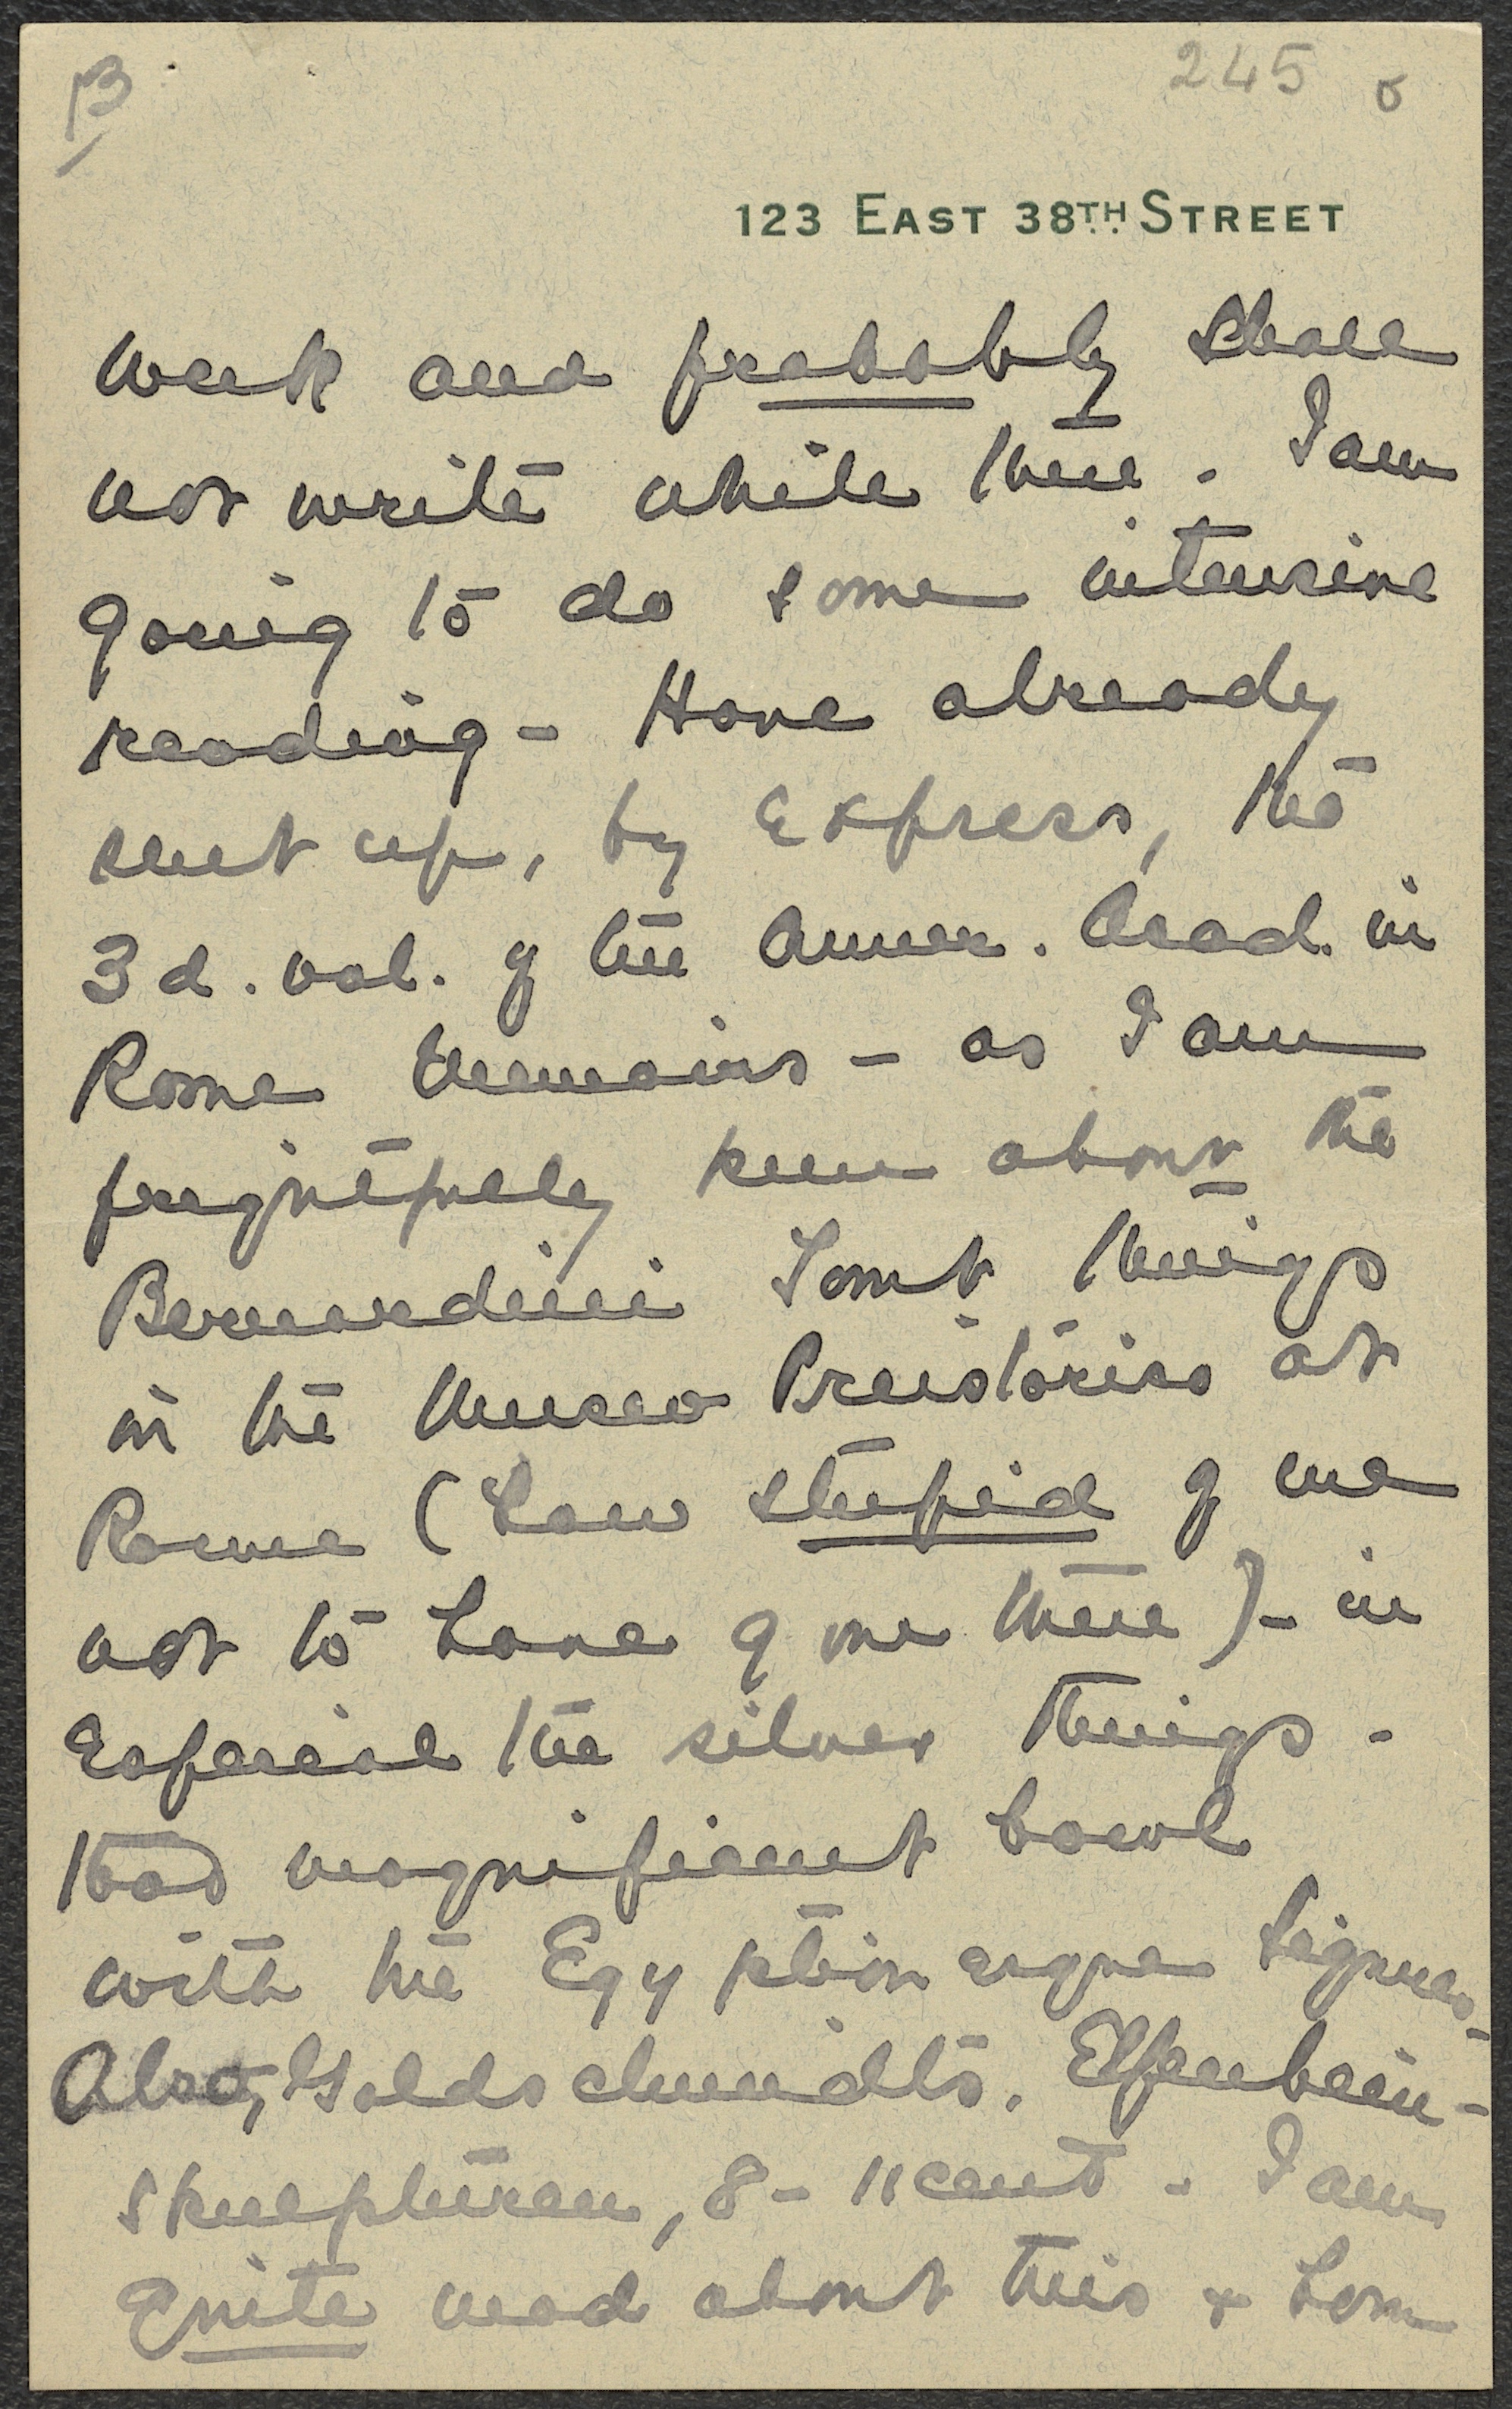13/
week and probably shall not write while there – I am going to do some intensive reading – Have already sent up, by express, the 3d. vol. of the Amer. Acad. in Rome Memoirs – as I am frightfully keen about the Bernardini Tomb things in the Museo Preistorico at Rome (how stupid of me not to have gone there) – in especial the silver things – that magnificent bowl with the Egyptianesque figures – Also, Goldschmidts, Elfenhein – Skulpturen, 8–11 cents – I am quite mad about this & have